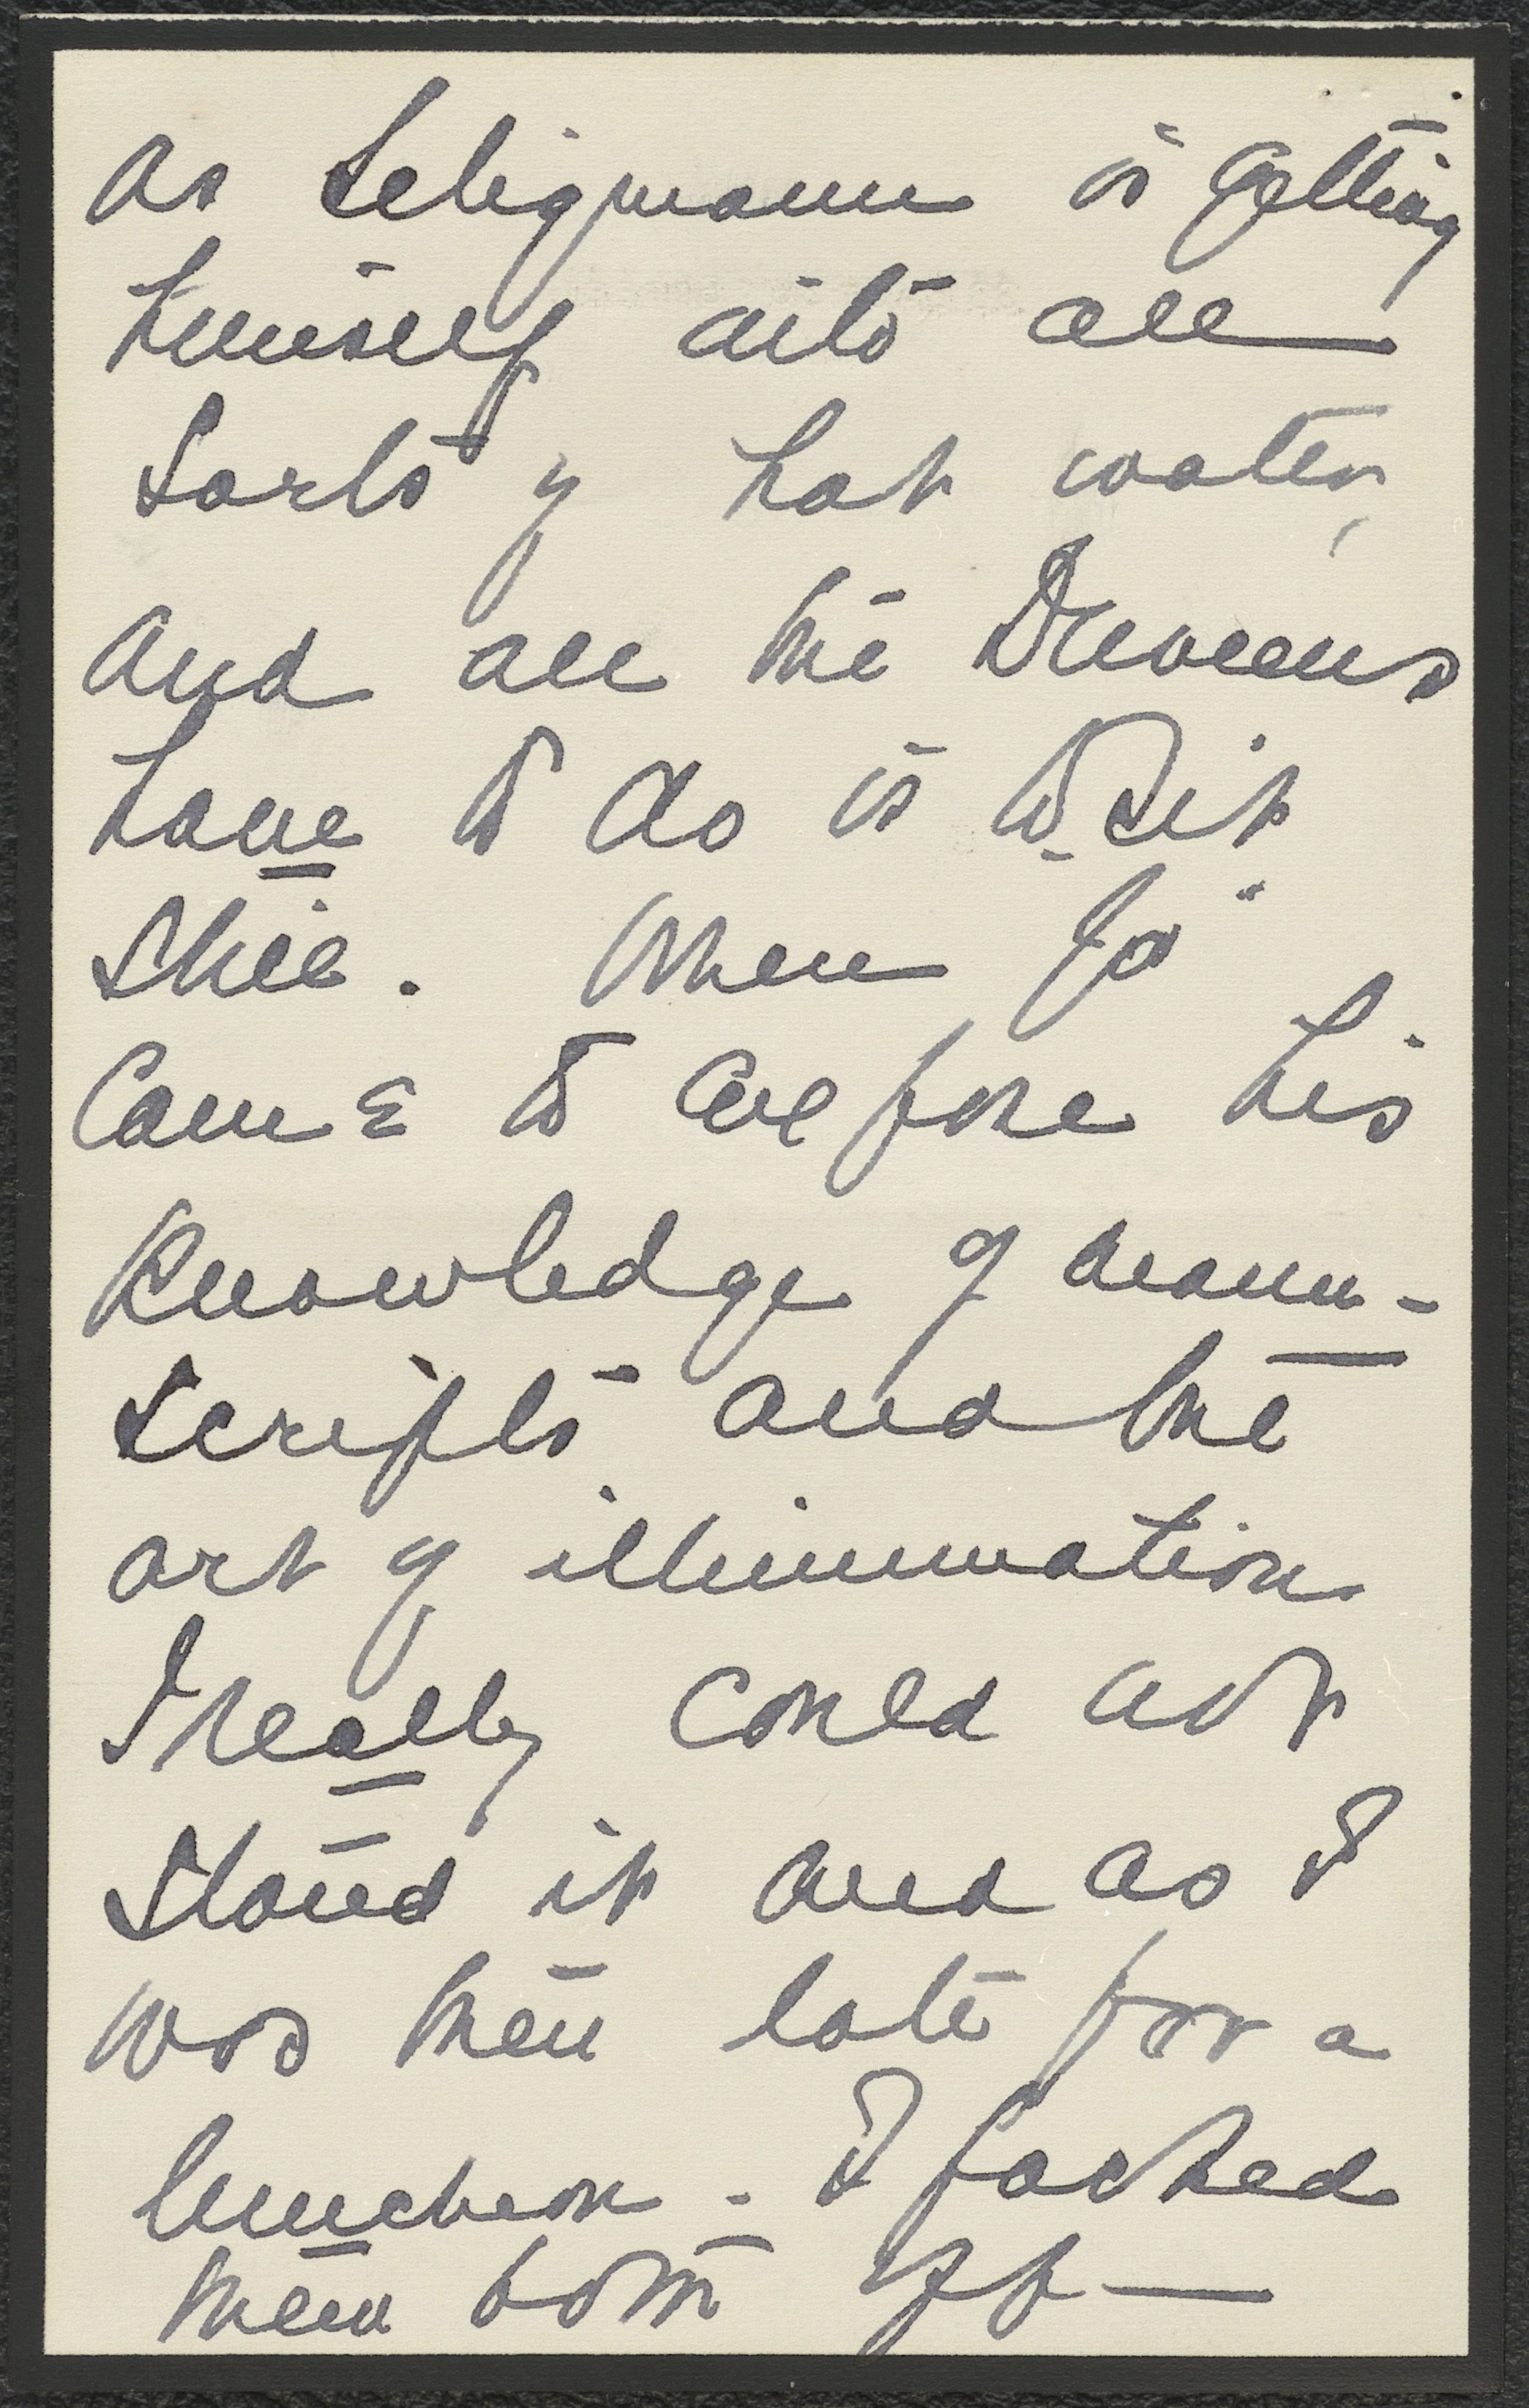as Seligmann is getting himself into all sorts of hot water, and all the Duveens have to do is to sit still. When “Jo” came to expose his knowledge of manuscripts and the art of illumination I really could not stand it and as I was then late for a luncheon. I packed them both off –